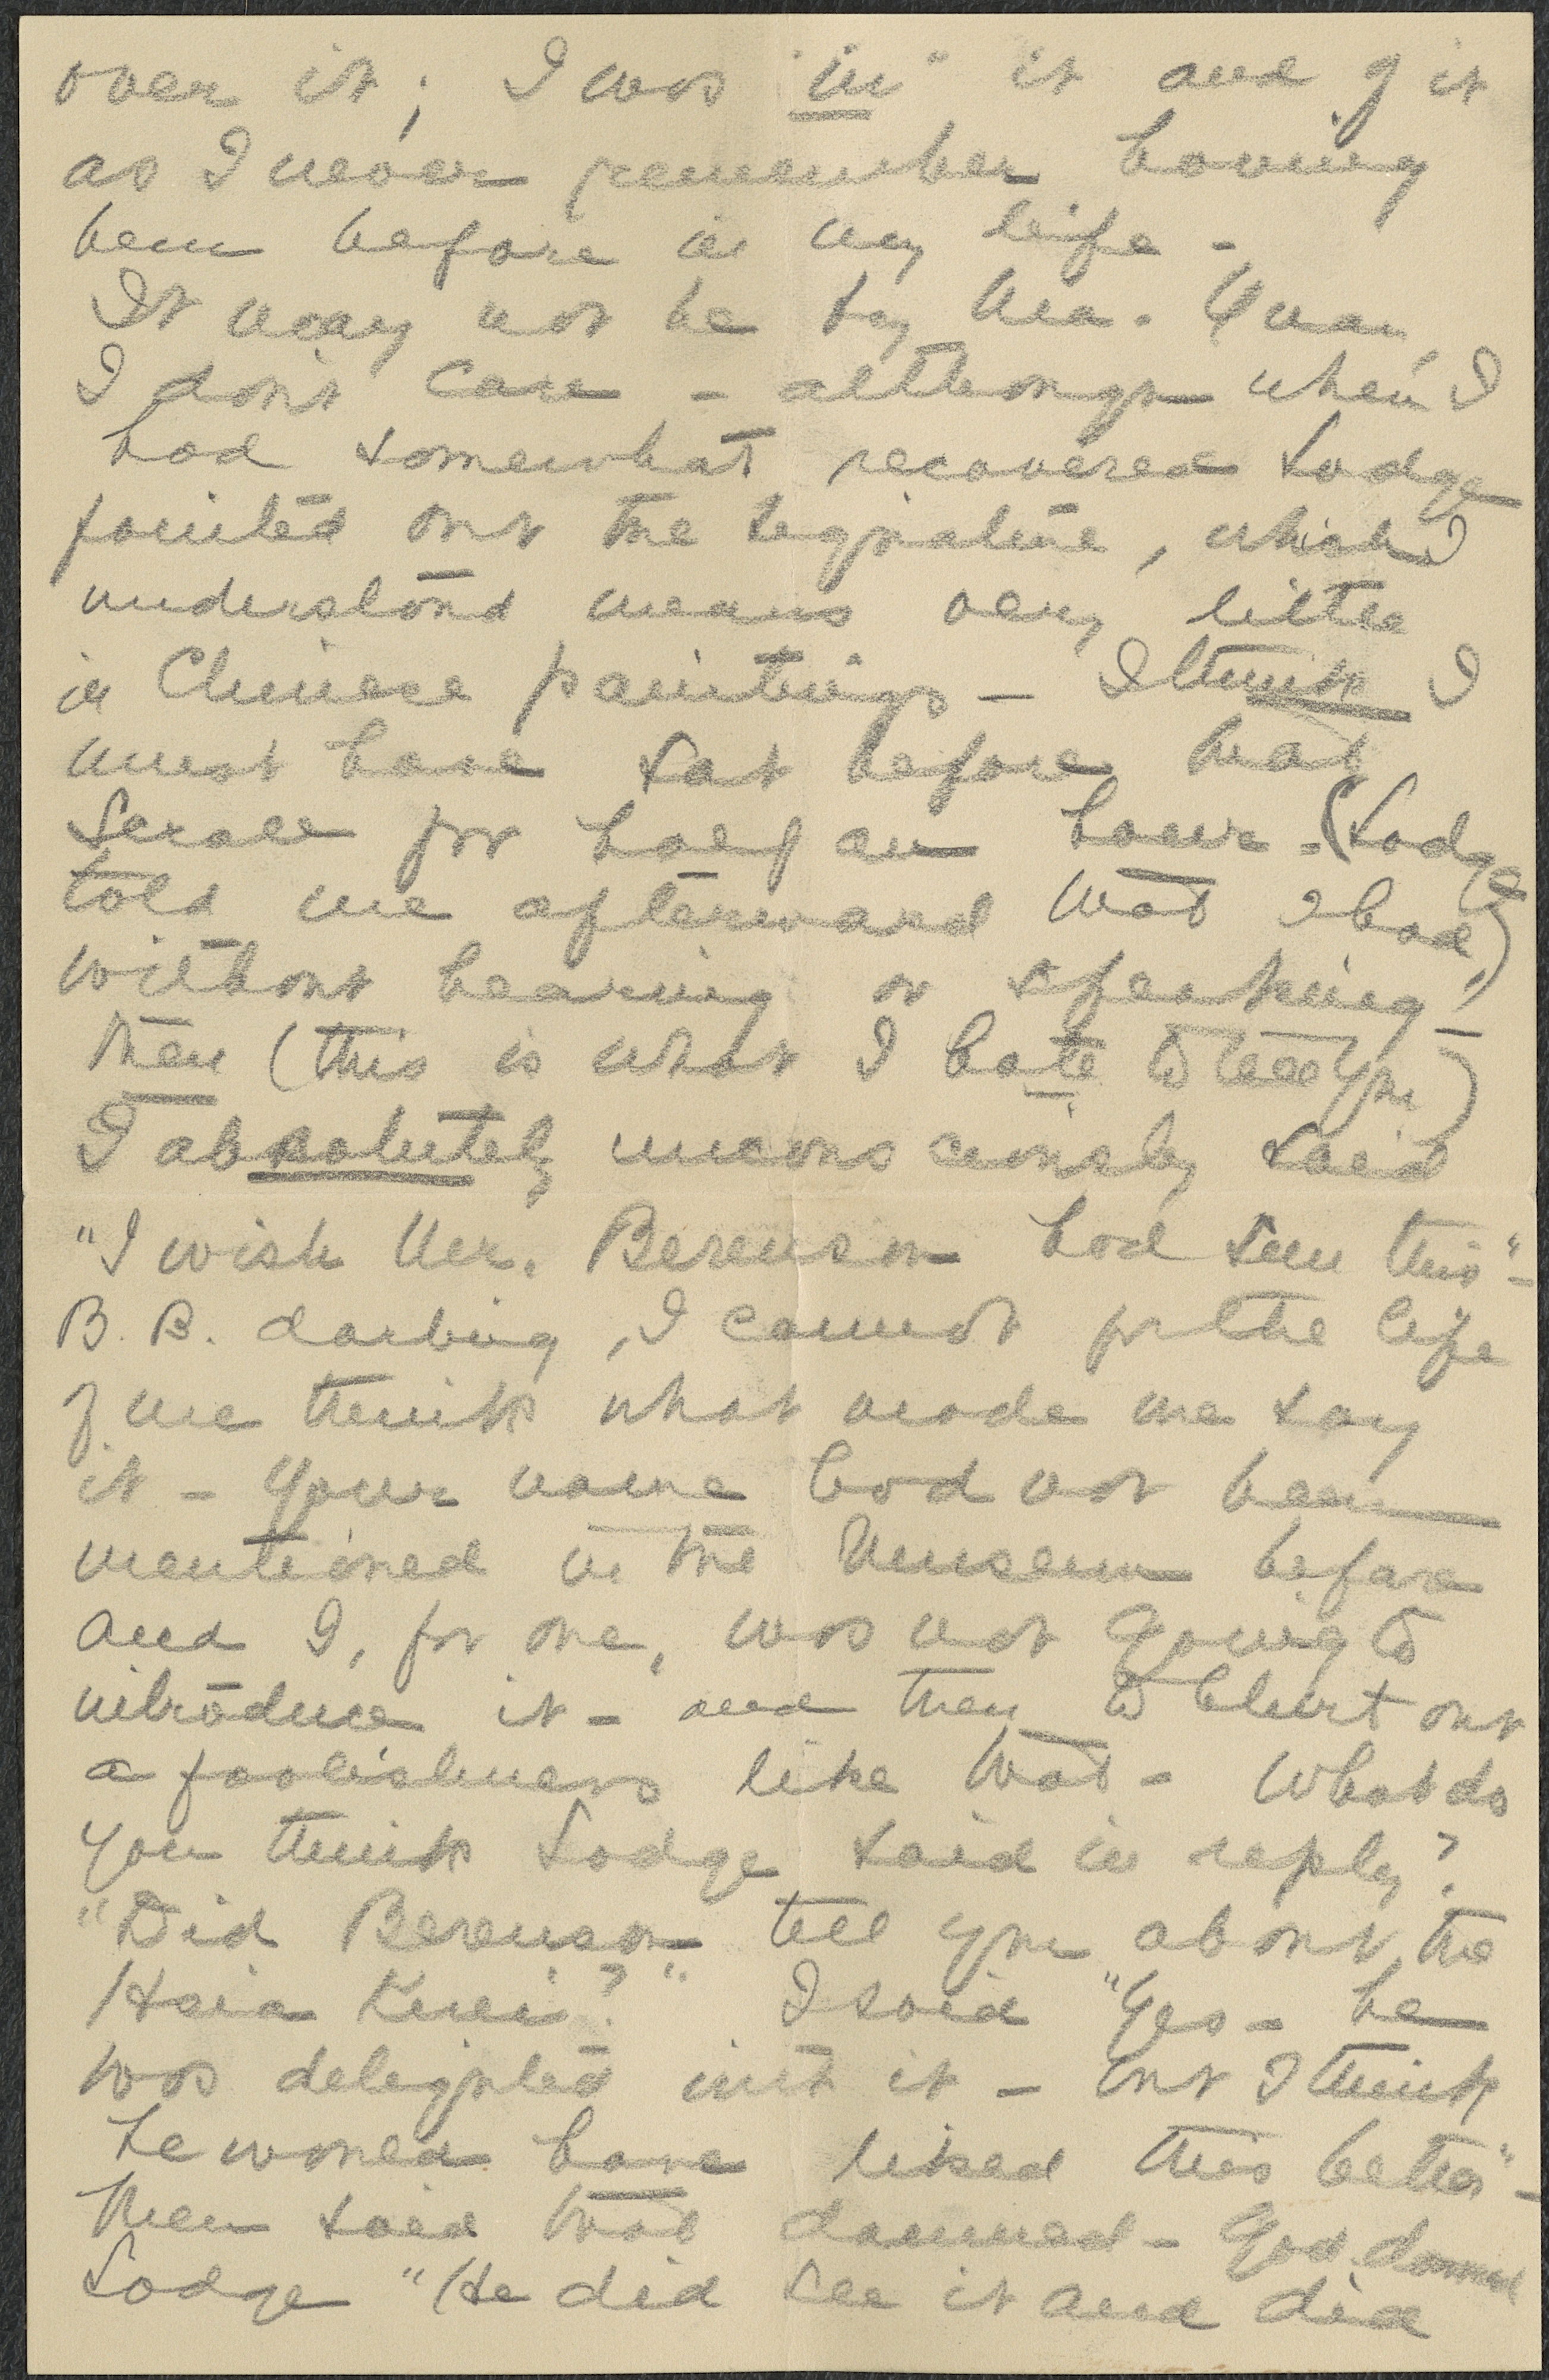over it; I was “in” it and of it as I never remember having been before in my life – It may not be by Ma-Yuan, I don’t care – although when I had somewhat recovered Lodge pointed out the signature, which I understand means very little in Chinese paintings – I think I must have sat before that scroll for half an hour – (Lodge told me afterward that I had,) without hearing or speaking – then (this is what I hate to tell you) I absolutely unconsciously said “I wish Mr. Berenson had seen this” – B.B. darling, I cannot for the life of me think what made me say it – your name had not been mentioned in the Museum before and I, for one, was not going to introduce it – and then to blurt out a foolishness like that – what do you think Lodge said in reply? “Did Berenson tell you about the Hsia-Kuei?” I said “Yes – he was delighted with it – but I think he would have liked this better” – Then said that damned–god-damned Lodge “He did see it and did